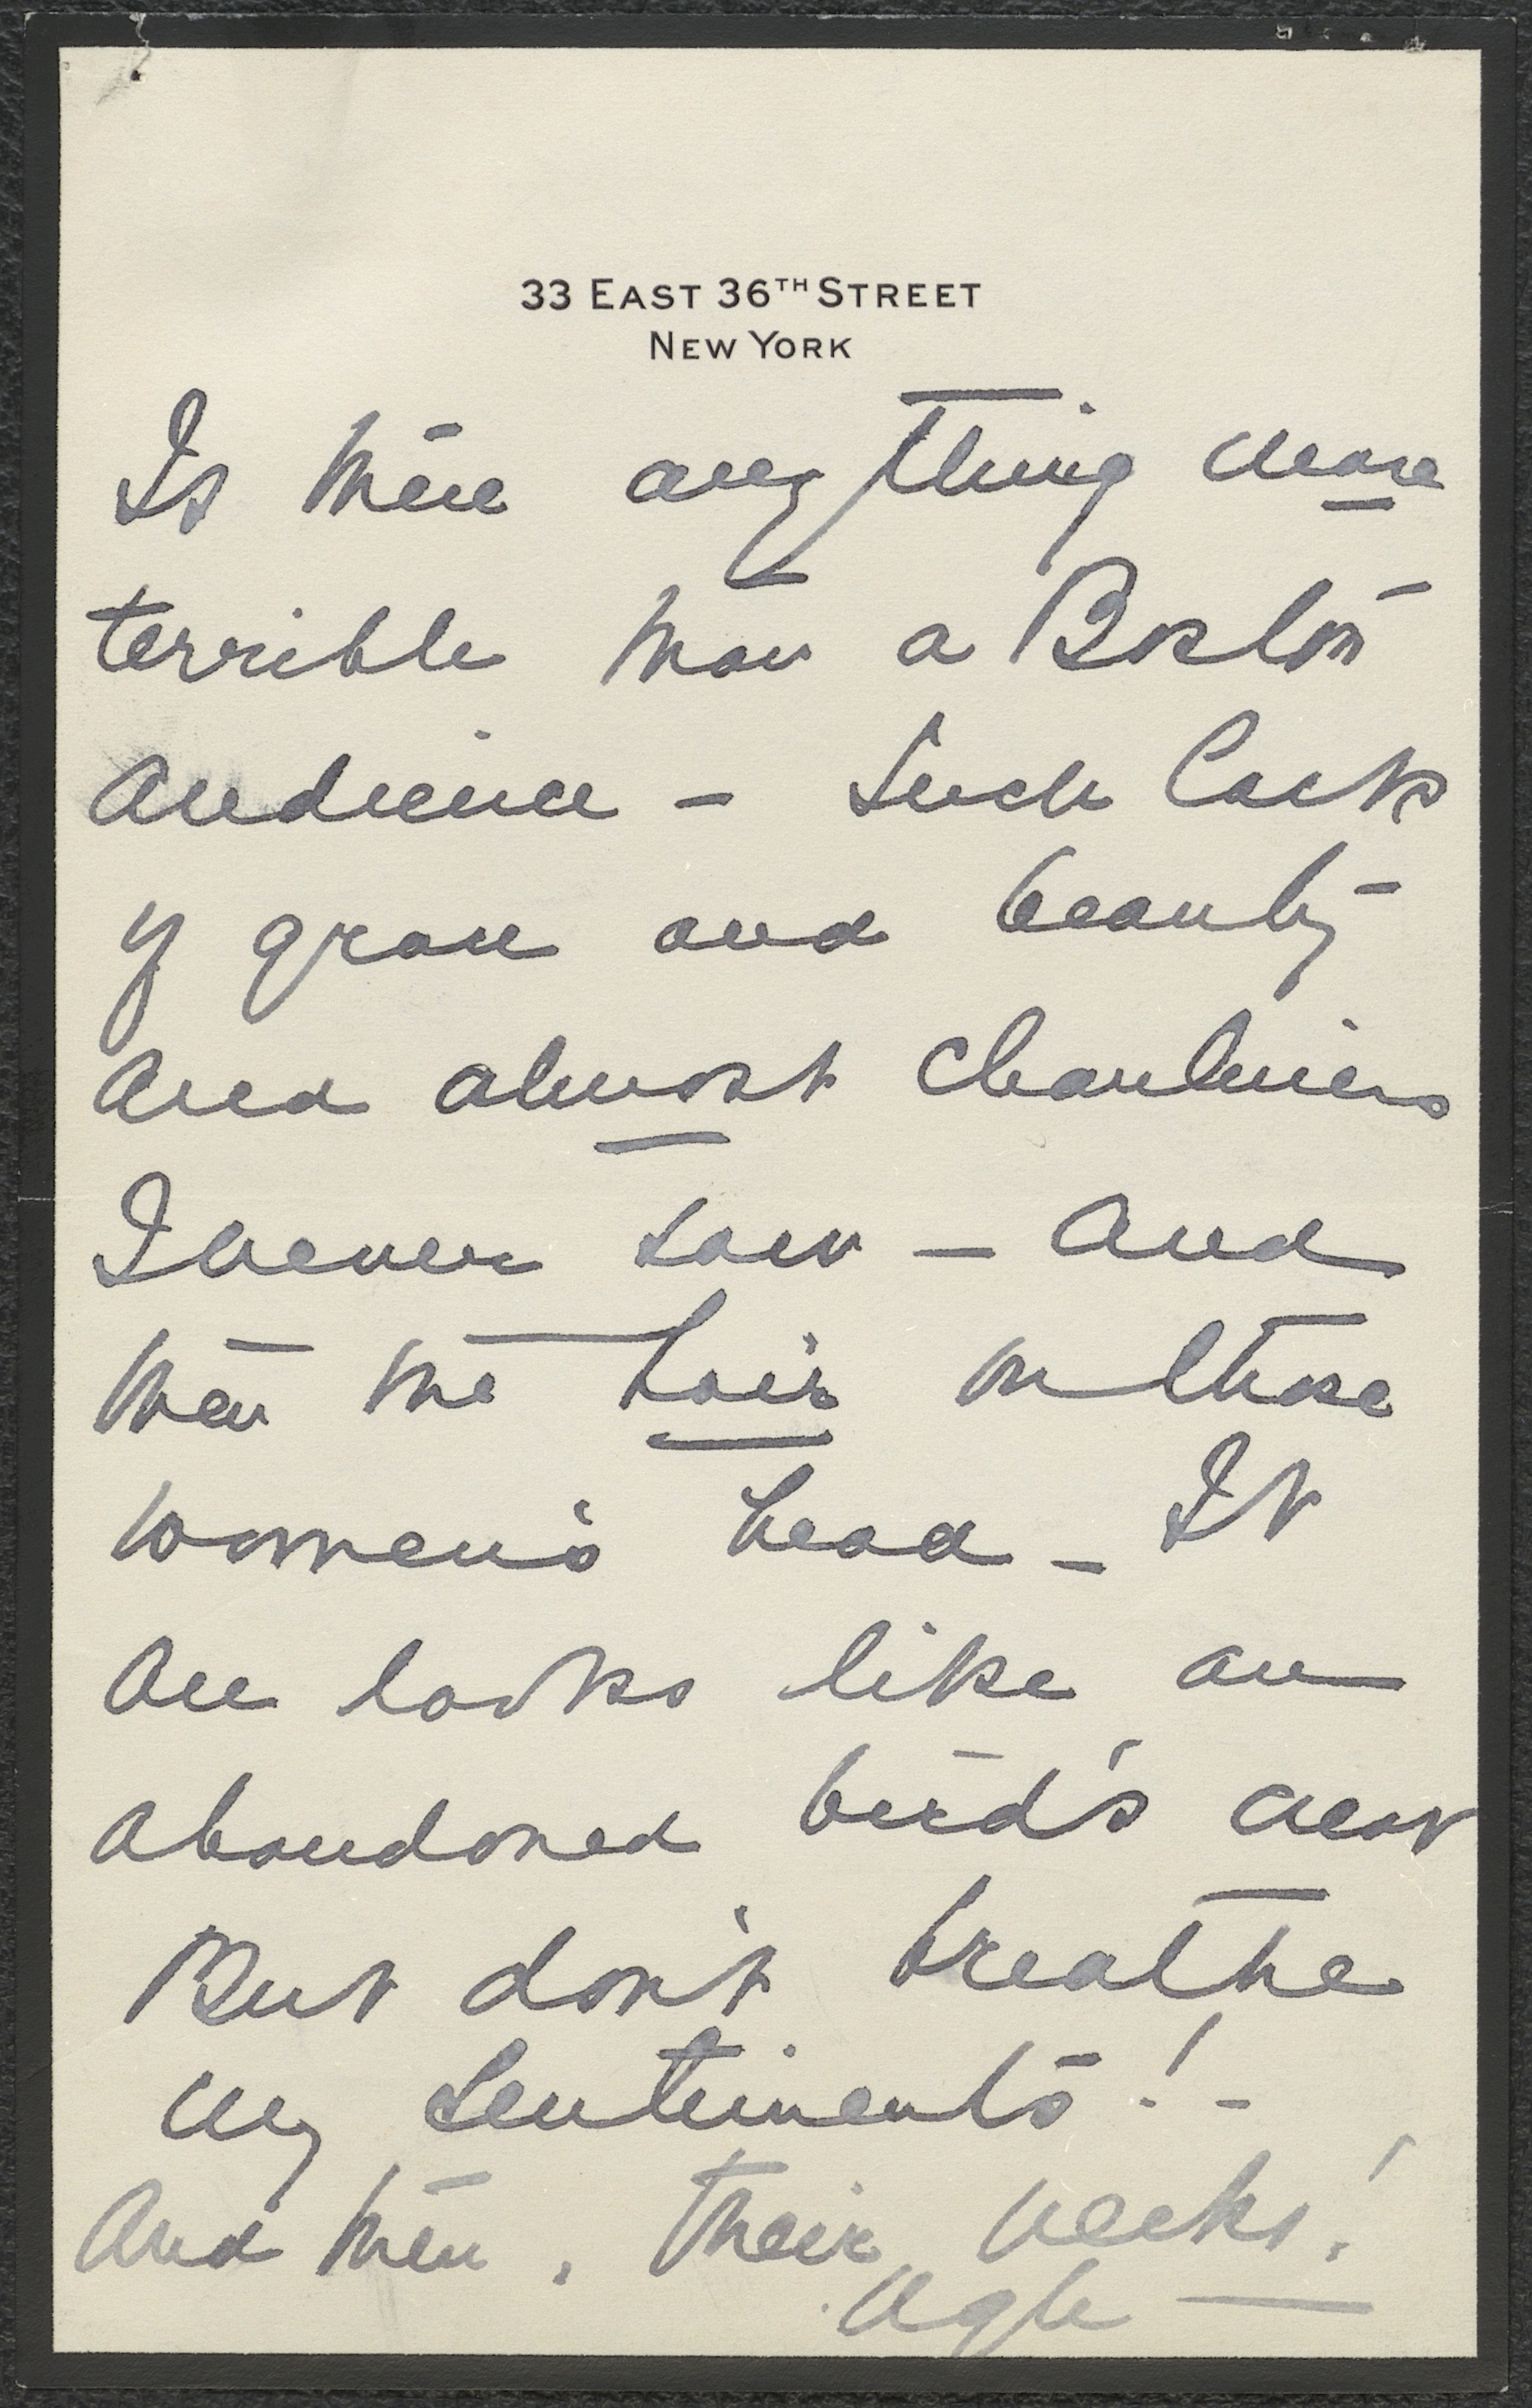Is there any thing more terrible than a Boston audience – Such lack of grace and beauty and almost cleanliness I never saw – And then the hair on those women’s head – It all looks like an abandoned bird’s nest
But don’t breathe my sentiments! – And then, their necks!
ugh –